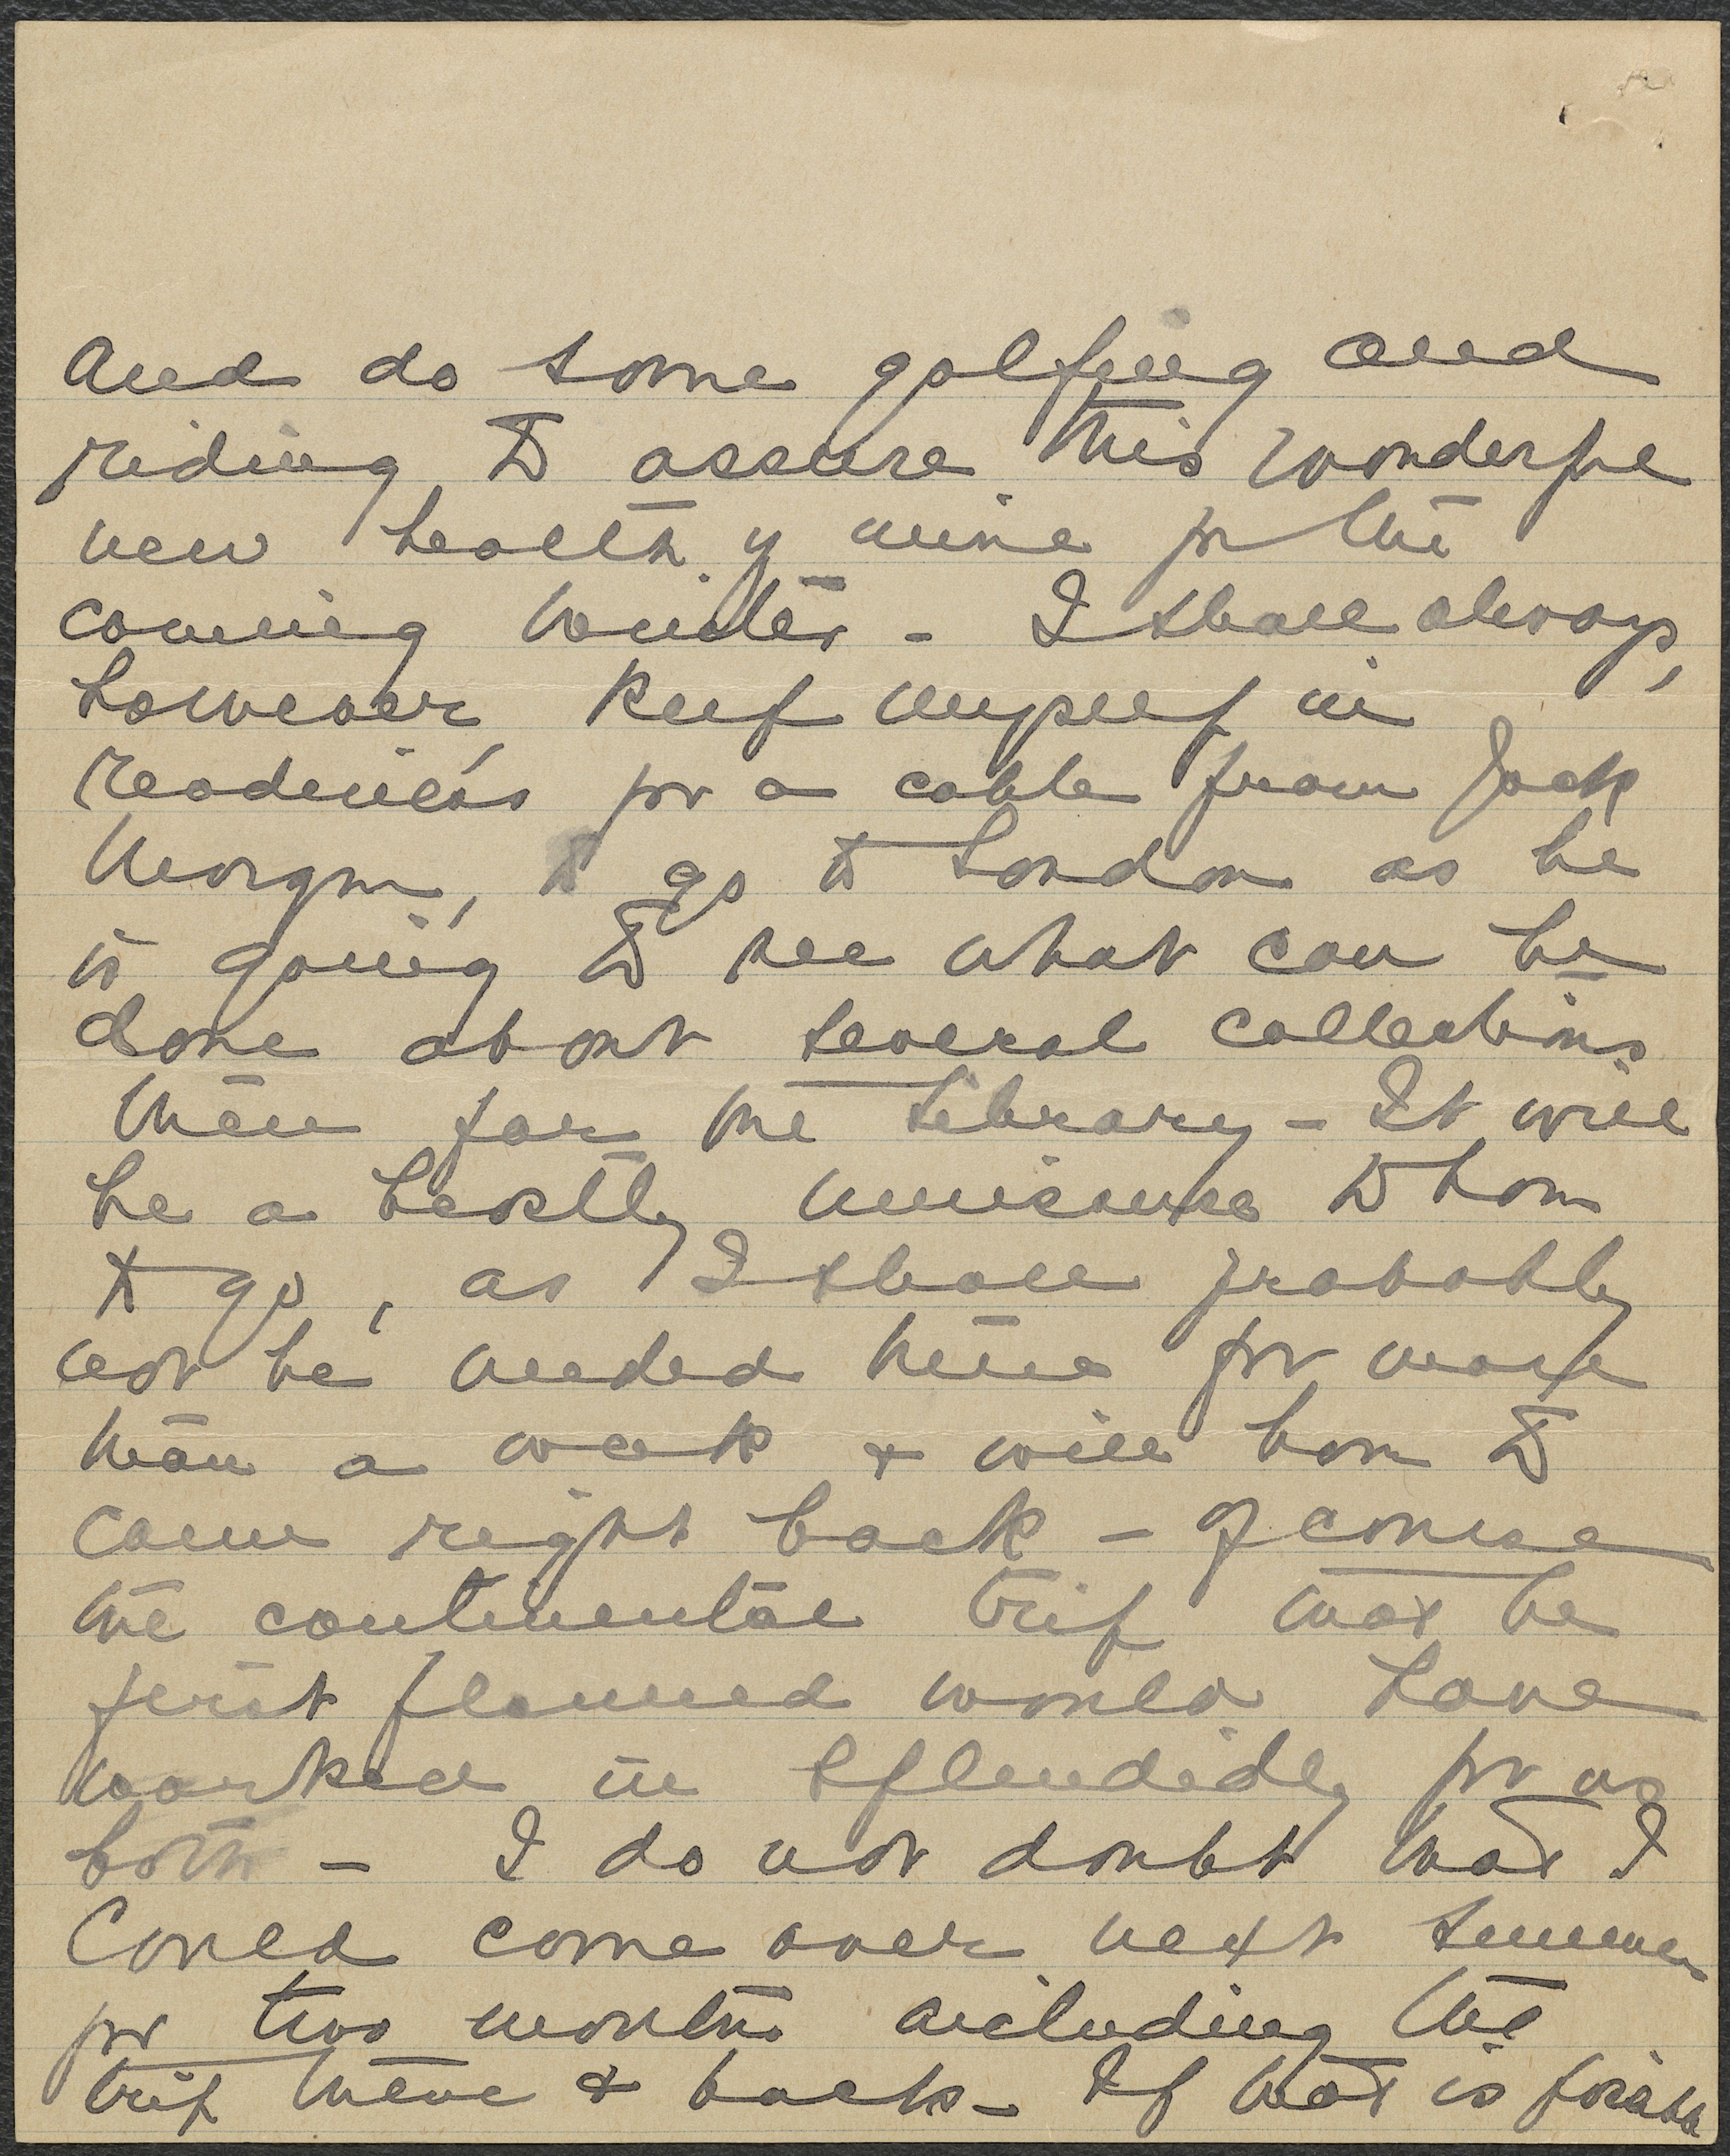and do some golfing and riding to assure this wonderful new health of mine for the coming winter – I shall always, however, keep myself in readiness for a cable from Jack Morgan, to go to London as he is going to see what can be done about several collections there for the Library – It will be a beastly business to have to go, as I shall probably not be needed there for more than a week & will have to come right back – of course the continental trip that he first planned would have worked in splendidly for us both – I do not doubt that I could come over next summer for two months excluding the trip there & back – If that is possible